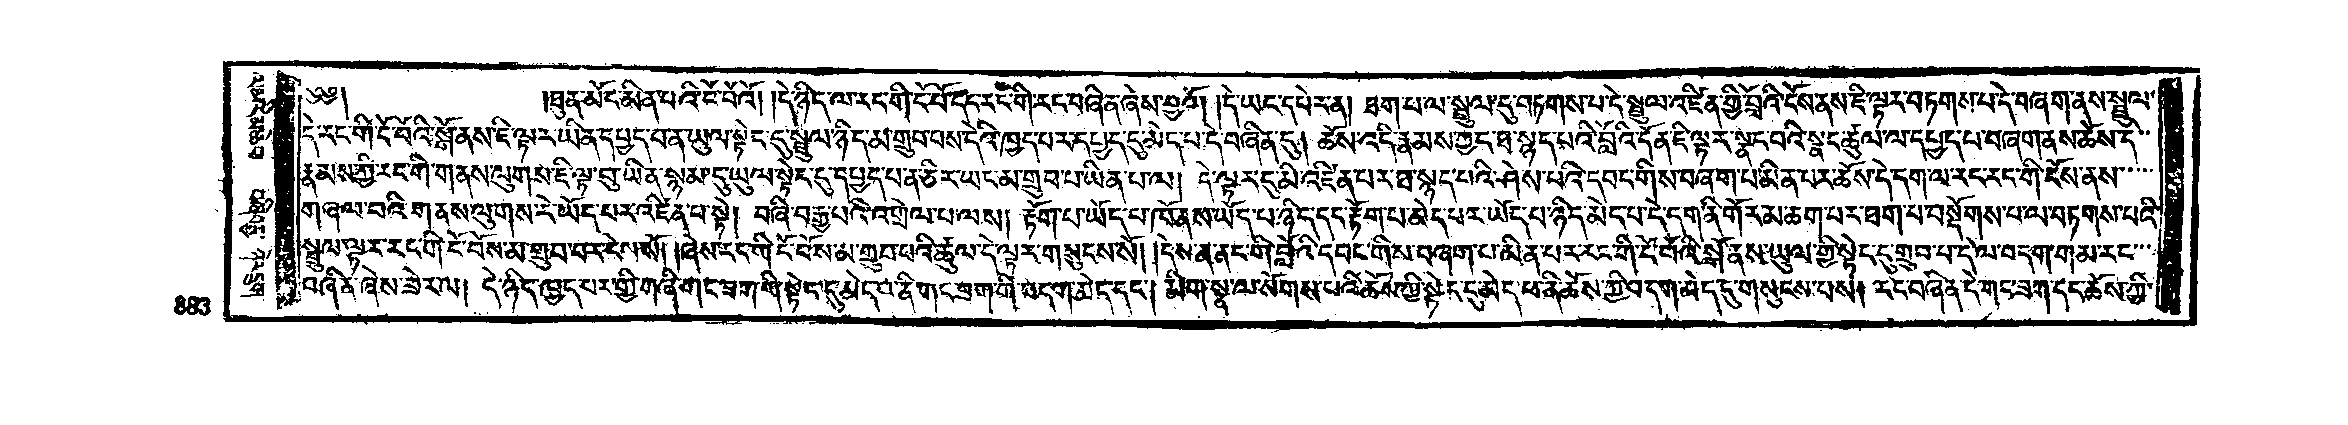༄༅། །ཐུན་མོང་མིན་པའི་ངོ་བོའོ། །དེ་ཉིད་ལ་རང་གི་ངོ་བོ་དང་རང་གི་རང་བཞིན་ཞེས་བྱའོ། །དེ་ཡང་དཔེར་ན། ཐག་པ་ལ་སྦྲུལ་དུ་བཏགས་པ་དེ་སྦྲུལ་འཛིན་གྱི་བློའི་ངོས་ནས་ཇི་ལྟར་བཏགས་པ་དེ་བཞག་ནས་སྦྲུལ་
དེ་རང་གི་ངོ་བོའི་སྒོ་ནས་ཇི་ལྟར་ཡིན་དཔྱད་པ་ན་ཡུལ་སྟེང་དུ་སྦྲུལ་ཉིད་མ་གྲུབ་པས་དེའི་ཁྱད་པར་དཔྱད་དུ་མེད་པ་དེ་བཞིན་དུ། ཆོས་འདི་རྣམས་ཀྱང་ཐ་སྙད་པའི་བློའི་ངོ་ན་ཇི་ལྟར་སྣང་བའི་སྣང་ཚུལ་ལ་དཔྱད་པ་བཞག་ནས་ཆོས་དེ་
རྣམས་ཀྱི་རང་གི་གནས་ལུགས་ཇི་ལྟ་བུ་ཡིན་སྙམ་དུ་ཡུལ་སྟེང་དུ་དཔྱད་པ་ན་ཅིར་ཡང་མ་གྲུབ་པ་ཡིན་པ་ལ། དེ་ལྟར་དུ་མི་འཛིན་པར་ཐ་སྙད་པའི་ཤེས་པའི་དབང་གིས་བཞག་པ་མིན་པར་ཆོས་དེ་དག་ལ་རང་རང་གི་ངོས་ནས་
གཞལ་བའི་གནས་ལུགས་རེ་ཡོད་པར་འཛིན་པ་སྟེ། བཞི་བརྒྱ་པའི་འགྲེལ་པ་ལས། རྟོག་པ་ཡོད་པ་ཁོ་ནས་ཡོད་པ་ཉིད་དང་རྟོག་པ་མེད་པར་ཡོད་པ་ཉིད་མེད་པ་དེ་དག་ནི་གོར་མ་ཆག་པར་ཐག་པ་བསྡོགས་པ་ལ་བཏགས་པའི་
སྦྲུལ་ལྟར་རང་གི་ངོ་བོས་མ་གྲུབ་པར་ངེས་སོ། །ཞེས་རང་གི་ངོ་བོས་མ་གྲུབ་པའི་ཚུལ་དེ་ལྟར་གསུངས་སོ། །དེས་ན་ནང་གི་བློའི་དབང་གིས་བཞག་པ་མིན་པར་རང་གི་ངོ་བོའི་སྒོ་ནས་ཡུལ་གྱི་སྟེང་དུ་གྲུབ་པ་དེ་ལ་བདག་གམ་རང་
བཞིན་ཞེས་ཟེར་ལ། དེ་ཉིད་ཁྱད་པར་གྱི་གཞི་གང་ཟག་གི་སྟེང་དུ་མེད་པ་ནི་གང་ཟག་གི་བདག་མེད་དང་། མིག་སྣ་ལ་སོགས་པའི་ཆོས་ཀྱི་སྟེང་དུ་མེད་པ་ནི་ཆོས་ཀྱི་བདག་མེད་དུ་གསུངས་པས། རང་བཞིན་དེ་གང་ཟག་དང་ཆོས་ཀྱི་